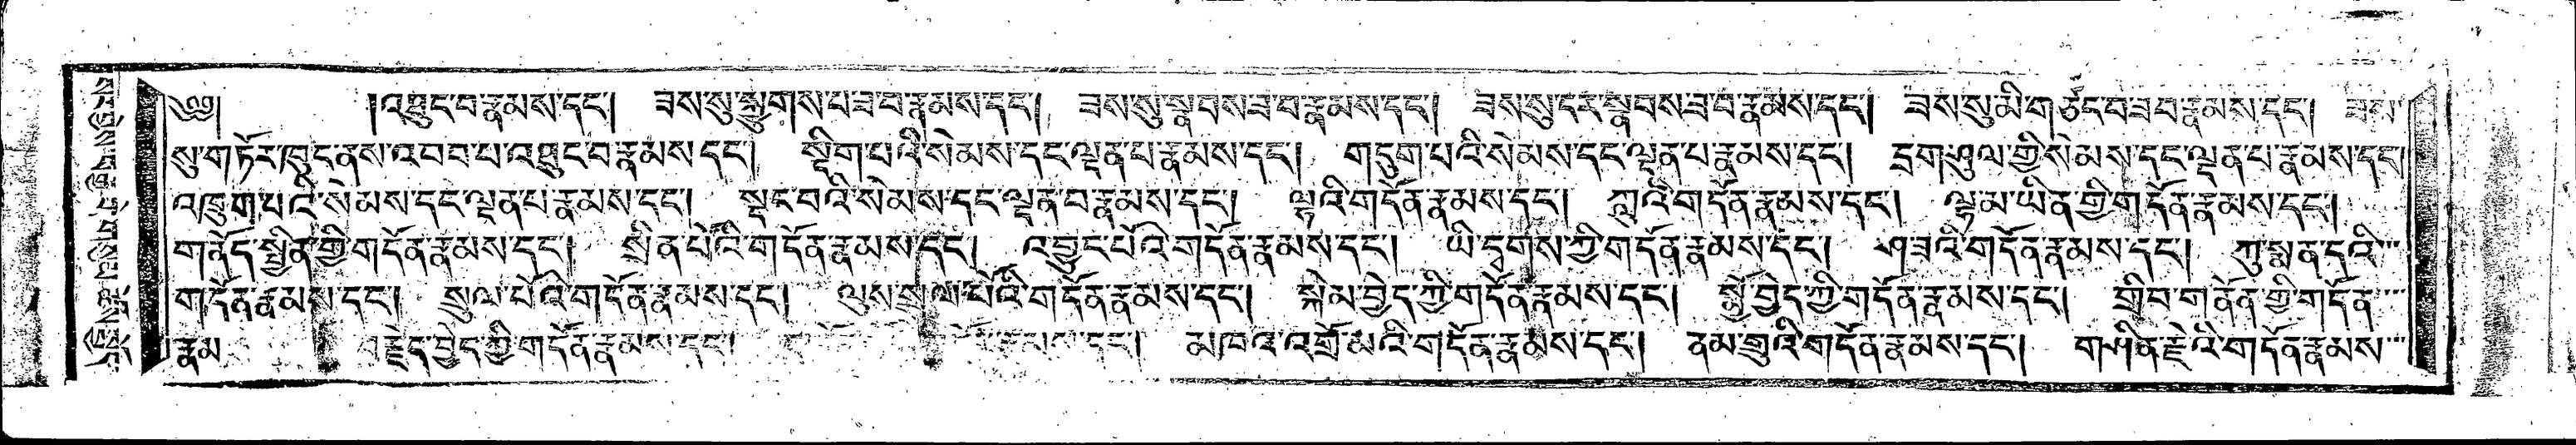༄༅། །འཐུང་བ་རྣམས་དང་། ཟས་སུ་སྐྱུགས་པ་ཟ་བ་རྣམས་དང་། ཟས་སུ་སྣབས་ཟ་བ་རྣམས་དང་། ཟས་སུ་ངར་སྣབས་ཟ་བ་རྣམས་དང་། ཟས་སུ་མི་གཙང་བ་ཟ་བ་རྣམས་དང་། ཟས་
སུ་གཏོར་ཁུང་ནས་འབབ་པ་འཐུང་བ་རྣམས་དང་། སྡིག་པའི་སེམས་དང་ལྡན་པ་རྣམས་དང་། གདུག་པའི་སེམས་དང་ལྡན་པ་རྣམས་དང་། དྲག་ཤུལ་གྱི་སེམས་དང་ལྡན་པ་རྣམས་དང་།
འཁྲུག་པའི་སེམས་དང་ལྡན་པ་རྣམས་དང་། སྡང་བའི་སེམས་དང་ལྡན་པ་རྣམས་དང་། ལྷའི་གདོན་རྣམས་དང་། ཀླུའི་གདོན་རྣམས་དང་། ལྷ་མ་ཡིན་གྱི་གདོན་རྣམས་དང་།
གནོད་སྦྱིན་གྱི་གདོན་རྣམས་དང་། སྲིན་པོའི་གདོན་རྣམས་དང་། འབྱུགན་པོའི་གདོན་རྣམས་དང་། ཡི་དྭགས་ཀྱི་གདོན་རྣམས་དང་། ཤ་ཟའི་གདོན་རྣམས་དང་། ཀུ་སྨན་དའི་
གདོན་རྣམས་དང་། སྲུལ་པོའི་གདོན་རྣམས་དང་། ལུས་སྲུལ་པོའི་གདོན་རྣམས་དང་། སྐེམ་བྱེད་ཀྱི་གདོན་རྣམས་དང་། སྨྱོ་བྱེད་ཀྱི་གདོན་རྣམས་དང་། གྲིབ་གནོན་གྱི་གདོན་
རྣམས་དང་། བརྗེད་བྱེད་ཀྱི་གདོན་རྣམས་དང་། གནོན་པོའི་གདོན་རྣམས་དང་། མཁའ་འགྲོ་མའི་གདོན་རྣམས་དང་། ནམ་གྲུའི་གདོན་རྣམས་དང་། གཤིན་རྗེའི་གདོན་རྣམས་